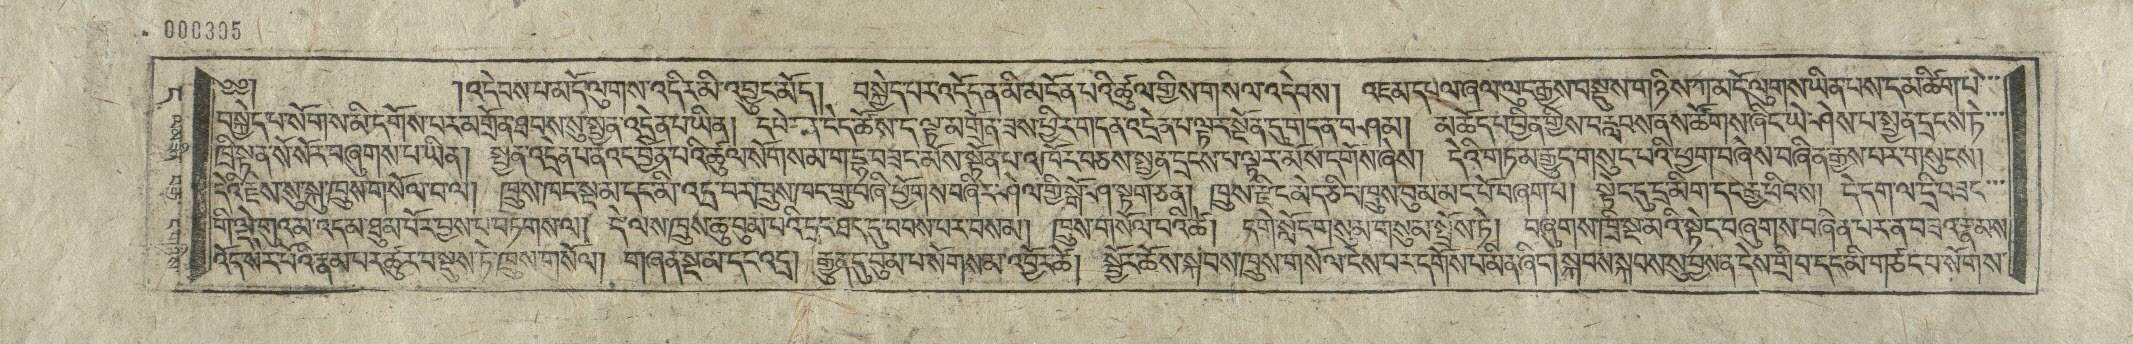༄༅། །འདེབས་པ་མདོ་ལུགས་འདིར་མི་འབྱུང་མོད། བསྐྱེད་པར་འདོད་ན་མི་མངོན་པའི་ཚུལ་གྱིས་གསལ་འདེབས། འཇམ་དཔལ་ཞལ་ལུང་རྒྱས་བསྡུས་གཉིས་ཀ་མདོ་ལུགས་ཡིན་པས་དམ་ཚིག་པ་
བསྐྱེད་པ་སོགས་མི་དགོས་པར་མགྲོན་ཐབས་སུ་སྤྱན་འདྲེན་པ་ཡིན། དཔེར་ན་ངེད་ཚོས་ད་ལྟ་མགྲོན་ཟས་ཕྱིར་གདན་འདྲེན་པ་ལྟར་སྔོན་དུ་གདན་བཤམ། མཆོད་པ་བྱིན་གྱིས་བརླབས་ནས་ཚོགས་ཞིང་ཡེ་ཤེས་པ་སྤྱན་དྲངས་ཏེ་
ཁྲི་སྟན་སོ་སོར་བཞུགས་པ་ཡིན། སྤྱན་འདྲེན་པ་ནའང་བྱོན་པའི་ཚུལ་སོགས་མ་ག་དྷ་བཟང་མོས་སྟོན་པ་འཁོར་བཅས་སྤྱན་དྲངས་པ་ལྟར་མོས་དགོས་ཞེས། དེའི་གཏམ་རྒྱུད་གསུང་པའི་ཕྱག་བཞེས་བཞིན་རྒྱས་པར་གསུངས།
དེའི་རྗེས་སུ་སྐུ་ཁྲུས་གསོལ་བ་ལ། ཁྲུས་ཁང་སྔ་མ་དང་མི་འདྲ་བར་ཁྲུས་ཁང་གྲུ་བཞི་ཕྱོགས་བཞིར་ཤེལ་གྱི་སྒོ་ཤ་སྟག་ཅན། ཁྲུས་རྫིང་མེད་ཅིང་ཁྲུས་བུམ་མང་པོ་བཞག་པ། སྟེང་དུ་དྲ་མིག་དང་རྒྱ་ཕིབས། དེ་དག་ལ་དྲི་བཟང་
གི་ལྡེ་གུའམ་འདམ་ཐུམ་པོར་བྱས་པ་བཏགས་ལ། དེ་ལས་ཁྲུས་ཆུ་བུམ་པའི་དྲང་ཐད་དུ་བབས་པར་བསམ། ཁྲུས་གསོལ་བའི་ཚེ། དགེ་སློང་གསུམ་གསུམ་སྤྲོས་ཏེ། བཞུགས་ཁྲི་སྔ་མའི་སྟེང་བཞུགས་བཞིན་པར་ན་བཟའ་རྣམས་
འོད་སེར་པོའི་རྣམ་པར་ཚུར་བསྡུས་ཏེ་ཁྲུས་གསོལ། གཞན་སྔ་མ་དང་འདྲ། རྒྱུན་དུ་བུམ་པ་སོགས་མ་འབྱོར་ཚེ། སྦྱོར་ཆོས་སྐབས་ཁྲུས་གསོལ་ངེས་པར་དགོས་པ་མིན་ཞིང་། སྐབས་སྐབས་སུ་བྱས་ན་དེས་གྲིབ་དང་མི་གཙང་བ་སོགས་